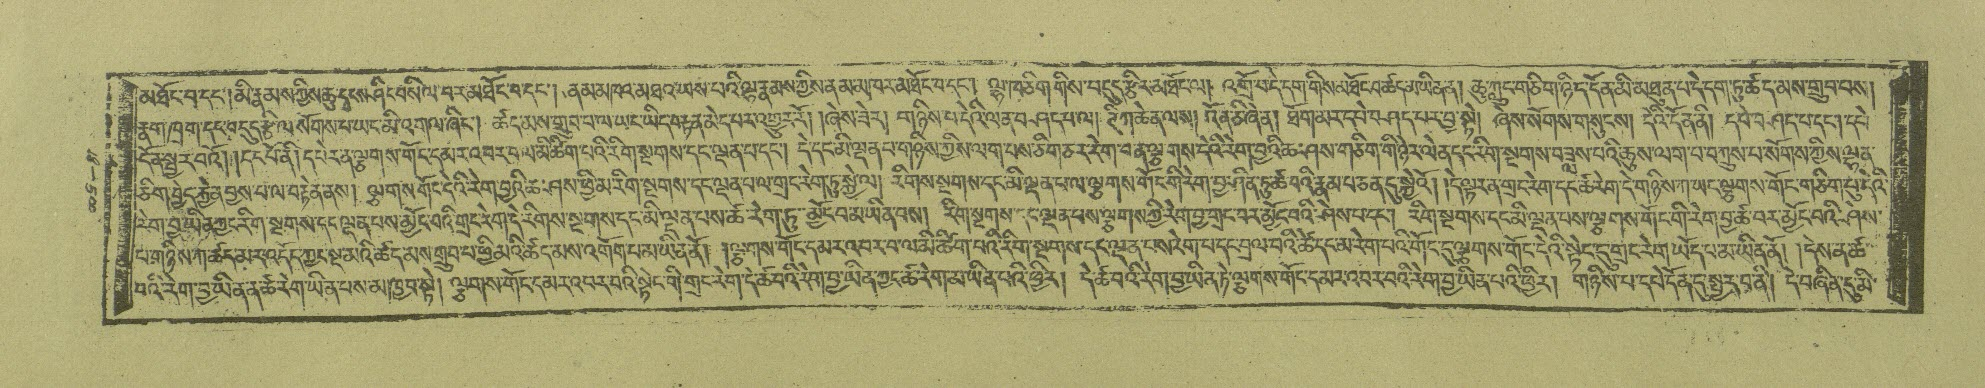མཐོང་བ་དང་། མི་རྣམས་ཀྱིས་ཆུ་དྭངས་ཤིང་བསིལ་བར་མཐོང་བ་དང་། ནམ་མཁའ་མཐའ་ཡས་པའི་ལྷ་རྣམས་ཀྱིས་ནམ་མཁར་མཐོང་བ་དང་། ལྷ་ཁ་ཅིག་གིས་བདུད་རྩིར་མཐོང་ལ། འགྲོ་བ་དེ་དག་གིས་མཐོང་བ་ཚད་མ་ཡིན་ན། ཆུ་ཀླུང་གཅིག་ཉིད་དོན་མི་མཐུན་པ་དེ་དག་ཏུ་ཚད་མས་གྲུབ་པས།
རྣག་ཁྲག་དང་བདུད་རྩི་ལ་སོགས་པ་ཡང་མི་འགལ་ཞིང་། ཚད་མས་གྲུབ་པ་ལ་ཡང་ཡིད་བརྟན་མེད་པར་འགྱུར་རོ། །ཞེས་ཟེར། གཉིས་པ་དེའི་ལན་བཤད་པ་ལ། ཊིཀ་ཆེན་ལས། འོ་ན་ཅི་ཞེ་ན། ཐོག་མར་དཔེ་བཤད་པར་བྱ་སྟེ། ཞེས་སོགས་གསུངས། དེའི་དོན་ནི། དཔེ་བཤད་པ་དང་། དཔེ་
དོན་སྦྱར་བའོ། །དང་པོ་ནི། དཔེར་ན་ལྕགས་གོང་དམར་འབར་བ་ལ་མི་ཚིག་པའི་རིག་སྔགས་དང་ལྡན་པ་དང་། དེ་དང་མི་ལྡན་པ་གཉིས་ཀྱིས་ལག་པས་ཅིག་ཅར་རེག་པ་ན་ལྕགས་དེའི་རེག་བྱའི་ཆ་ཤས་གཅིག་གི་ཉེར་ལེན་དང་རིག་སྔགས་བཟླས་པའི་ཆུས་ལག་པ་བཀྲུས་པ་སོགས་ཀྱིས་ལྷན་
ཅིག་བྱེད་རྐྱེན་བྱས་པ་ལ་བརྟེན་ནས། ལྕགས་གོང་དེའི་རེག་བྱའི་ཆ་ཤས་ཕྱི་མ་རིག་སྔགས་དང་ལྡན་པ་ལ་གྲང་རེག་ཏུ་སྐྱེ་ལ། རིགས་སྔགས་དང་མི་ལྡན་པ་ལ་ལྕགས་གོང་གི་རེག་བྱ་ཤིན་ཏུ་ཚ་བའི་རྣམ་པ་ཅན་དུ་སྐྱེའོ། །དེ་ལྟར་ན་གྲང་རེག་དང་ཚ་རེག་དེ་གཉིས་ཀ་ཡང་ལྕགས་གོང་གཅིག་པུ་དེའི་
རེག་བྱ་ཡིན་ཀྱང་རིག་སྔགས་དང་ལྡན་པས་མྱོང་བའི་གྲང་རེག་དེ་རིགས་སྔགས་དང་མི་ལྡན་པས་ཚ་རེག་ཏུ་མྱོང་བ་མ་ཡིན་པས། རིག་སྔགས་དང་ལྡན་པས་ལྕགས་ཀྱི་རེག་བྱ་གྲང་བ་མྱོང་བའི་ཤེས་པ་དང་། རིག་སྔགས་དང་མི་ལྡན་པས་ལྕགས་གོང་གི་རེག་བྱ་ཚ་བར་མྱོང་བའི་ཤེས་
པ་གཉིས་ཀ་ཚད་མར་འདོད་ཀྱང་སྔ་མའི་ཚད་མས་གྲུབ་པ་ཕྱི་མའི་ཚད་མས་འགོག་པ་མ་ཡིན་ནོ། །ལྕགས་གོང་དམར་འབར་བ་ལ་མི་ཚིག་པའི་རིག་སྔགས་དང་ལྡན་པས་རེག་ཕ་དང་བྲལ་བའི་ཚེ་དང་མ་རིག་པའི་གོང་དུ་ལྕགས་གོང་དེའི་སྟེང་དུ་གྲང་རེག་ཡོད་པ་མ་ཡིན་ནོ། །དེས་ན་ཚ་
བའི་རེག་བྱ་ཡིན་ན་ཚ་རེག་ཡིན་པས་མ་ཁྱབ་སྟེ། ལྕགས་གོང་དམར་འབར་བའི་སྟེང་གི་གྲང་རེག་དེ་ཚ་བའི་རེག་དེ་ཚ་བའི་རེག་བྱ་ཡིན་ཀྱང་ཚ་རེག་མ་ཡིན་པའི་ཕྱིར། དེ་ཚ་བའི་རེག་བྱ་ཡིན་ཏེ་ལྕགས་གོང་དམར་འབར་བའི་རེག་བྱ་ཡིན་པའི་ཕྱིར། གཉིས་པ་དཔེ་དོན་དུ་སྤྱར་བ་ནི། དེ་བཞིན་དུ་མི་